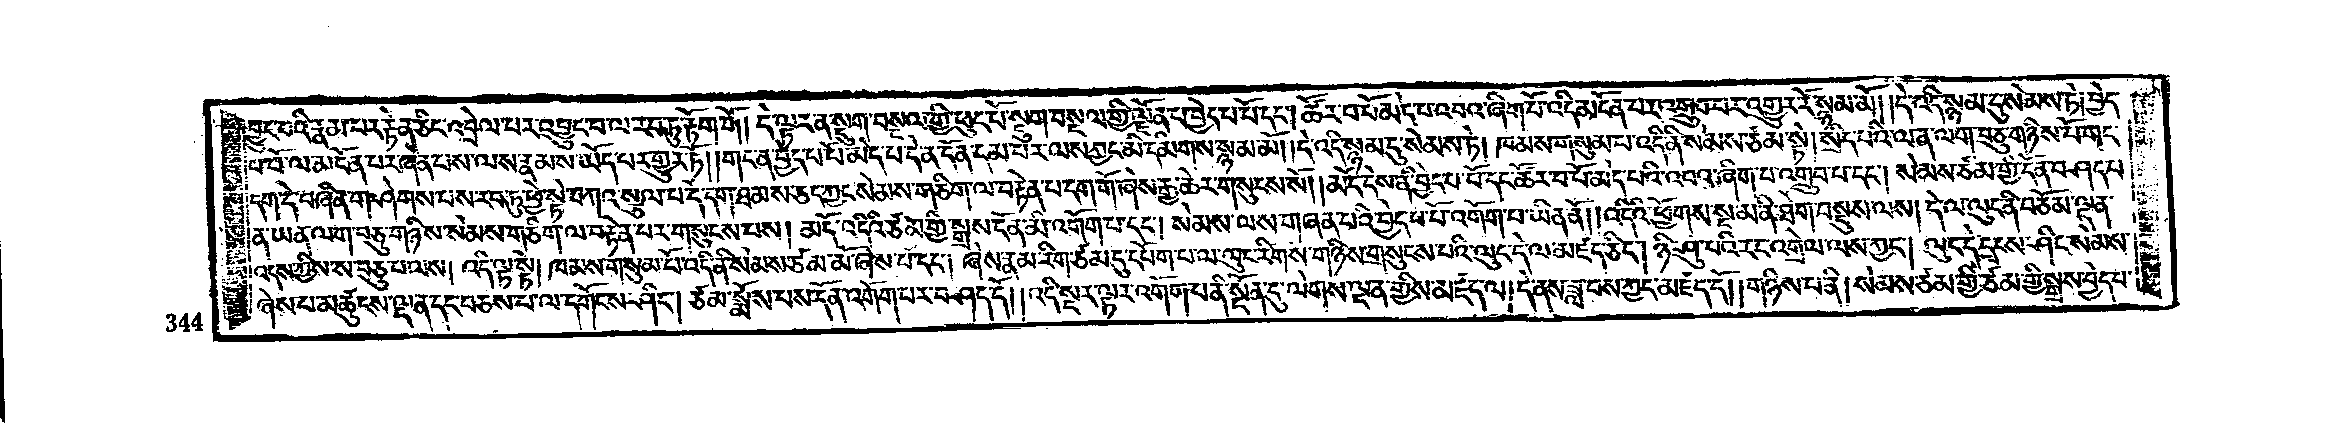བྱུང་བའི་རྣམ་པར་རྟེན་ཅིང་འབྲེལ་པར་འབྱུང་བ་ལ་རབ་ཏུ་རྟོག་གོ །དེ་ལྟར་ན་སྡུག་བསྔལ་གྱི་ཕུང་པོ་སྡུག་བསྔལ་གྱི་ལྗོན་པ་བྱེད་པ་པོ་དང་། ཚོར་བ་པོ་མེད་པ་འབའ་ཞིག་པོ་འདི་མངོན་པར་འགྲུབ་པར་འགྱུར་རོ་སྙམ་མོ། །དེ་འདི་སྙམ་དུ་སེམས་ཏེ། བྱེད་
པ་པོ་ལ་མངོན་པར་ཞེན་པས་ལས་རྣམས་ཡོད་པར་གྱུར་ཏོ། །གང་ན་བྱེད་པ་པོ་མེད་པ་དེ་ན་དོན་དམ་པར་ལས་ཀྱང་མི་དམིགས་སྙམ་མོ། །དེ་འདི་སྙམ་དུ་སེམས་ཏེ། ཁམས་གསུམ་པ་འདི་ནི་སེམས་ཙམ་སྟེ། སྲིད་པའི་ལན་ལག་བཅུ་གཉིས་པོ་གང་
དག་དེ་བཞིན་གཤེགས་པས་རབ་ཏུ་ཕྱེ་སྟེ་བཀའ་སྩལ་པ་དེ་དག་ཐམས་ཅད་ཀྱང་སེམས་གཅིག་ལ་བརྟེན་པ་དག་གོ་ཞེས་རྒྱ་ཆེར་གསུངས་སོ། །མདོ་དེས་ནི་བྱེད་པ་པོ་དང་ཚོར་བ་པོ་མེད་པའི་འབའ་ཞིག་པ་འགྲུབ་པ་དང་། སེམས་ཙམ་གྱི་དོན་བཤད་པ་
ན་ཡན་ལག་བཅུ་གཉིས་སེམས་གཅིག་ལ་བརྟེན་པར་གསུངས་པས། མདོ་འདིའི་ཙམ་གྱི་སྒྲས་དོན་མི་འགོག་པ་དང་། སེམས་ལས་གཞན་པའི་བྱེད་པ་པོ་འགོག་པ་ཡིན་ནོ། །འདིའི་ཕྱོགས་སྔ་མ་ནི་ཐེག་བསྡུས་ལས། དེ་ལ་ལུང་ནི་བཅོམ་ལྡན་
འདས་ཀྱིས་ས་བཅུ་པ་ལས། འདི་ལྟ་སྟེ། ཁམས་གསུམ་པོ་འདི་ནི་སེམས་ཙམ་མོ་ཞེས་པ་དང་། ཞེས་རྣམ་རིག་ཙམ་དུ་དཔོག་པ་ལ་ལུང་རིགས་གཉིས་གསུངས་པའི་ལུང་དེ་ལ་མཛད་ཅིང་། ཉི་ཤུ་པའི་རང་འགྲེལ་ལས་ཀྱང་། ལུང་དེ་དྲངས་ཤིང་སེམས་
ཞེས་པ་མཚུངས་ལྡན་དང་བཅས་པ་ལ་དགོངས་ཤིང་། ཙམ་སྨོས་པས་དོན་འགོག་པར་བཤད་དེ། །འདི་སྔར་ལྟར་འགོག་པ་ནི་སྔོན་དུ་ལེགས་ལྡན་གྱིས་མཛད་ལ། དེ་ནས་ཟླ་བས་ཀྱང་མཛད་དོ། །གཉིས་པ་ནི། སེམས་ཙམ་གྱི་ཙམ་གྱི་སྒྲས་བྱེད་པ་